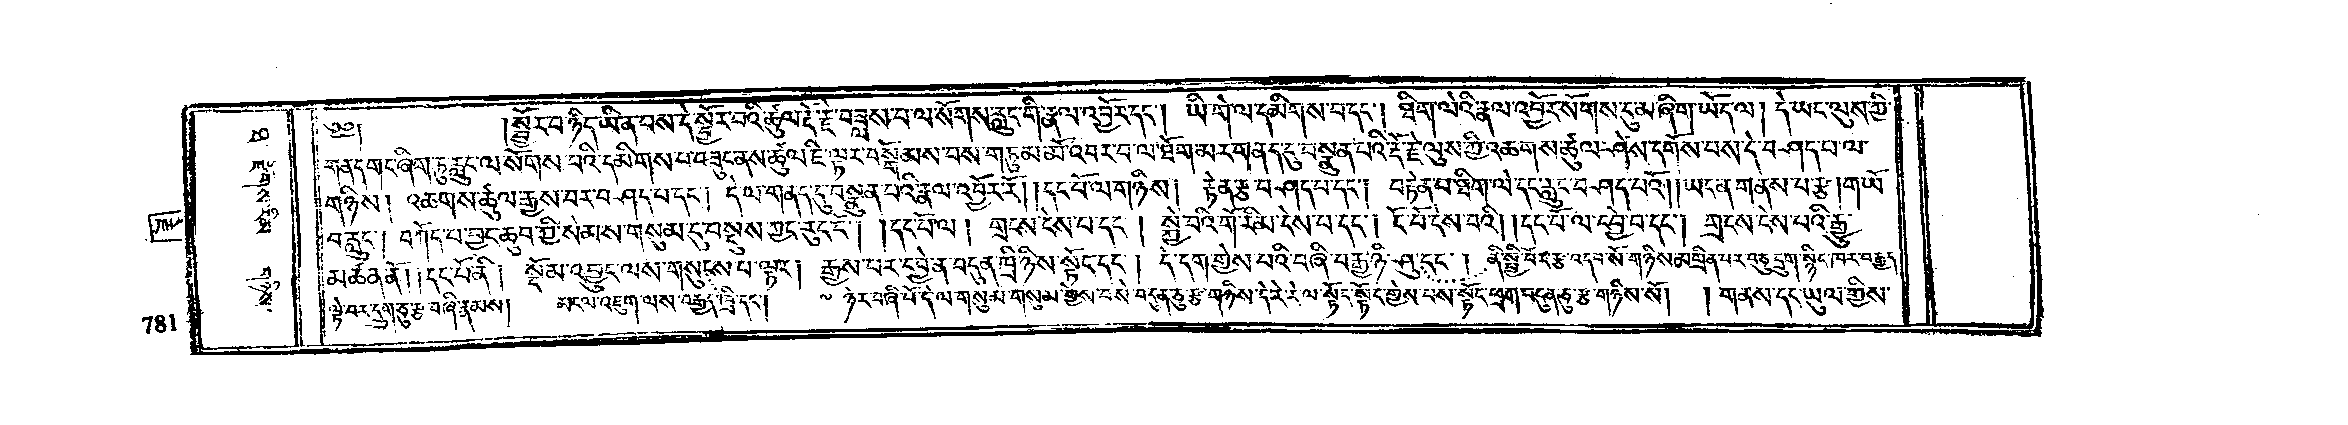༄༅། །སྦྱོར་པ་ཉིད་ཡིན་པས་དེ་སྦྱོར་བའི་ཚུལ་རྡོ་རྗེ་བཟླས་པ་ལ་སོགས་རླུང་གི་རྣལ་འབྱོར་དང་། ཡི་གེ་ལ་དམིགས་པ་དང་། ཐིག་ལེའི་རྣལ་འབྱོར་སོགས་དུ་མ་ཞིག་ཡོད་ལ། དེ་ཡང་ལུས་ཀྱི་
གནད་གང་ཞིག་ཏུ་རླུང་ལ་སོགས་པའི་དམིགས་པ་བཟུང་ནས་ཚུལ་ཇི་ལྟར་བསྒོམས་པས་གཏུམ་མོ་འབར་བ་ལ་ཐོག་མར་གནད་དུ་བསྣུན་པའི་རྡོ་རྗེ་ལུས་ཀྱི་འཆགས་ཚུལ་ཤེས་དགོས་པས་དེ་བཤད་པ་ལ་
གཉིས། འཆགས་ཚུལ་རྒྱས་པར་བཤད་པ་དང་། དེ་ལ་གནད་དུ་བསྣུན་པའི་རྣལ་འབྱོར་རོ། །དང་པོ་ལ་གཉིས། རྟེན་རྩ་བཤད་པ་དང་། བརྟེན་པ་ཐིག་ལེ་དང་རླུང་བཤད་པའོ། །ཡང་ན་གནས་པ་རྩ། གཡོ་
བ་རླུང་། བཀོད་པ་བྱང་ཆུབ་ཀྱི་སེམས་གསུམ་དུ་བསྡུས་ཀྱང་རུང་ངོ། །དང་པོ་ལ། གྲངས་ངེས་པ་དང་། སྐྱེ་བའི་གོ་རིམ་ངེས་པ་དང་། ངོ་བོ་ངེས་བའོ། །དང་པོ་ལ་དབྱེ་བ་དང་། གྲངས་ངེས་པའི་རྒྱུ་
མཚན་ནོ། །དང་པོ་ནི། སྡོམ་འབྱུང་ལས་གསུངས་པ་ལྟར། རྒྱས་པར་དབྱེ་ན་བདུན་ཁྲི་ཉིས་སྟོང་དང་། དེ་དག་གྱེས་པའི་བཞི་བརྒྱ་ཉི་ཤུ་དང་། ནི་སྤྱི་བོར་རྩ་འདབ་སོ་གཉིས་མགྲིན་པར་བཅུ་དྲུག་སྙིང་ཁར་བརྒྱད་
ལྟེ་བར་དྲུག་ཅུ་རྩ་བཞི་རྣམས། ~་མངལ་འཇུག་ལས་བརྒྱད་ཁྲི་དང་། ~་ཉེར་བཞི་པོ་དེ་ལ་གསུམ་གསུམ་གྱེས་པས་བདུན་ཅུ་རྩ་གཉིས་དེ་རེ་རེ་ལ་སྟོང་སྟོང་གྱེས་པས་སྟོང་ཕྲག་བདུན་ཅུ་རྩ་གཉིས་སོ། །གནས་དང་ཡུལ་གྱིས་